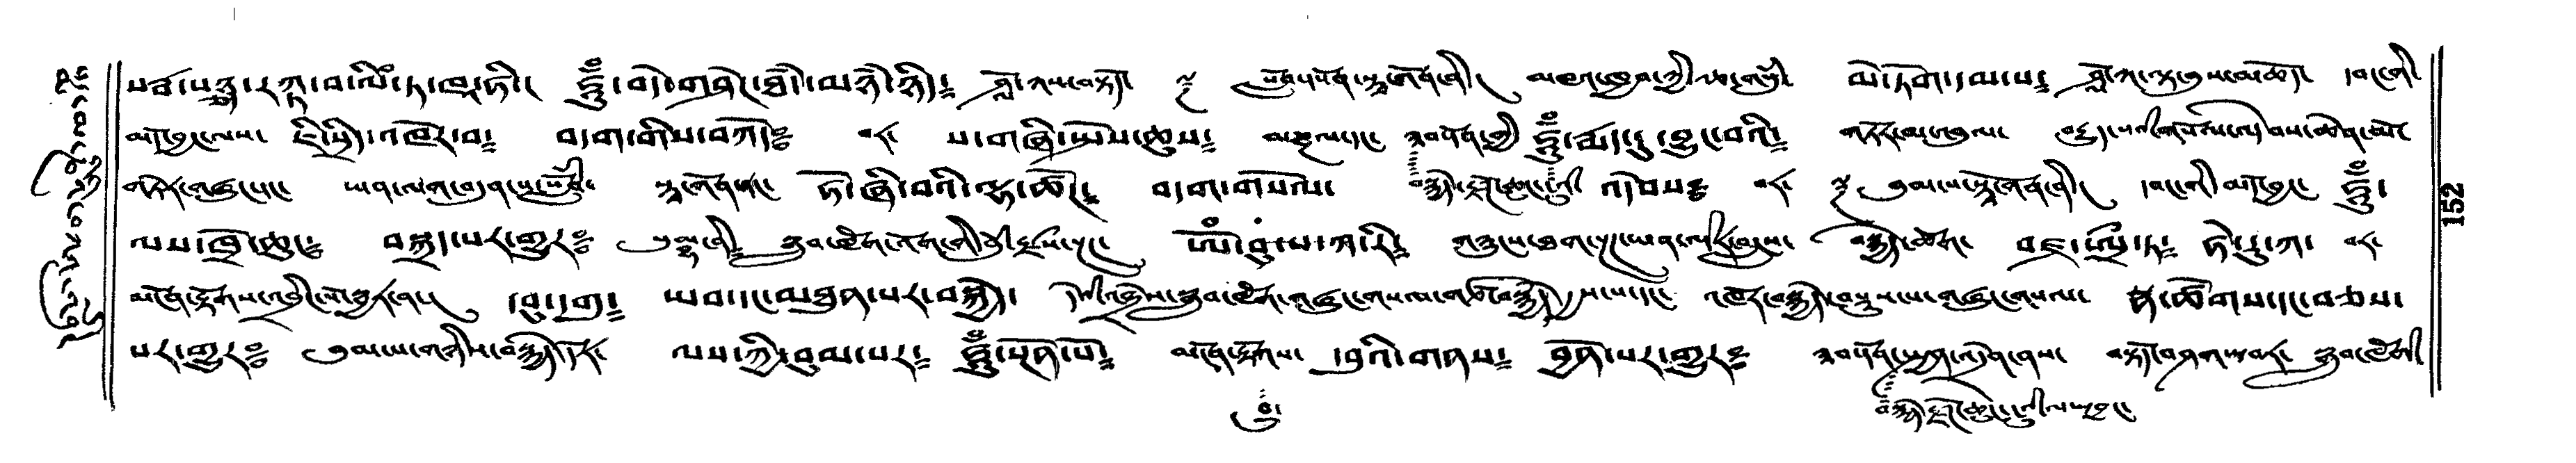སརྦ་པཉྩ་རཀྟ་བ་ལིཾ་ཏ་ཁཱ་ཧི༔ ཧཱུྃ༔བདེ་གཤེགས་ཐམས་ཅད་མཉམ་ཉིད༴ ཤོ་ལོ་ཀས་བསྟོད། ༈ སློབ་དཔོན་སྟྭ་གོན་ནི། མཁའ་ཁྱབ་ཀྱི་རྩ་གསུམ། མེ་ཏོག་དམ་པ༴ ཤོ་ལོ་ཀ་ལྟ་བུས་མཆོད། དབང་གི་
མདོ་བྱང་ལས། ཇི་སྲིད་འཁོར་བ༴ བདག་གིས་བཀོད༔ བར། ས་གཞི་སྤོས་ཆུས༴ མཎྜལ་དང་། ཟབ་དོན་གྱི། ཧཱུྃ༔ རྨད་དུ་བྱུང་བའི༴ གཏོར་མ་འབུལ། བརྒྱུད་པའི་གསོལ་འདེབས་ཆེན་མོ་
གཏེར་གཞུང་དང་། ཡན་ལག་བདུན་པ། སློབ་མ་སྟ་གོན་ནང་། ཧོ༔ ཞི་བའི་ལྷ་ཚོགས༴ བདག་གསོལ་འདེབས༔ བར། ༈ བུམ་པ་སྟ་གོན་ནི། དབང་གི་མདོ་བྱང་། ཧཱུྃ་
ལས་ཁྲོ་ཆུང༴ བསྐྲད་པར་གྱུར༔ སུམྦྷ་ནི༴ སྒྲུབ་ཁོག་འོག་གི་བུམ་རྫས་སྔགས། ཨོཾ་བུ་པ་ཀ་རི༴ གཟུངས་ཐག་སྔགས་ཡན་འདིར་བླང་། བསྐྱེད་ཆོག བཛྲ་ཨ་མྲི་ཏ༴ ཧེ་རུ་ཀ༴ བར་
མངོན་རྟོགས་འབྲིང་པོ་སྦྱར་ན། དབུ་དགུ༴ ཡབ་དང་མཐུན་པར་བསྐྱེད༔ དེའི་འགྲོས་སྒྲུབ་ཁོག་གཞུང་གསལ་གཙོ་སྐྱེད་རྒྱས་པ་དང་། འཁོར་སྐྱེད་བསྡུས་པ་གཞུང་གསལ། སྣ་ཚོགས་དང་བཅས་
པར་གྱུར༔ བུམ་པ་གཉིས་སྐྱེད་འདོར། ལས་ཀྱི་བུམ་པར༴ ཧཱུྃ༔ སྔོན་པོ༴ མངོན་རྟོགས། དབུའི་གནས༴ བྱོན་པར་གྱུར༔ ཟབ་དོན་སྤྱན་འདྲེན་ནས། བསྟོད་བཤགས་བར། སྒྲུབ་ཁོག་གི